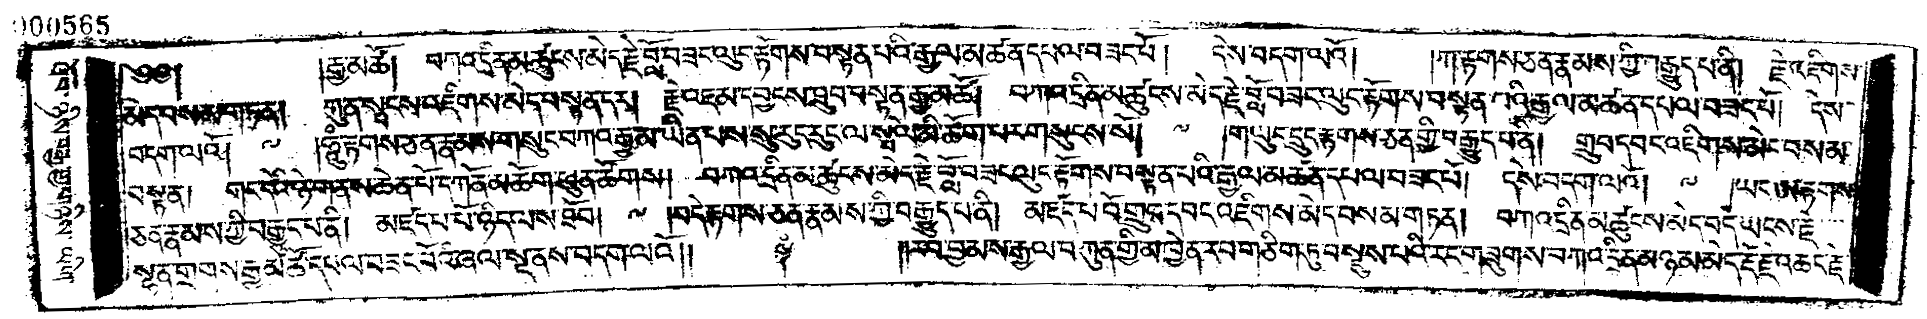༄༅། །རྒྱ་མཚོ། བཀའ་དྲིན་མཚུངས་མེད་རྗེ་བློ་བཟང་ལུང་རྟོགས་བསྟན་པའི་རྒྱལ་མཚན་དཔལ་བཟང་པོ། དེས་བདག་ལའོ། །ཀ་རྟགས་ཅན་རྣམས་ཀྱི་བརྒྱུད་པ་ནི། རྗེ་འཇིགས་
མེད་བསམ་གཏན། ཀུན་སྤངས་འཇིགས་མེད་བསྟན་དར། རྗེ་འཇམ་དབྱངས་ཐུབ་བསྟན་རྒྱ་མཚོ། བཀའ་དྲིན་མཚུངས་མེད་རྗེ་བློ་བཟང་ལུང་རྟོགས་བསྟན་པའི་རྒྱལ་མཚན་དཔལ་བཟང་པོ། དེས་
བདག་ལའོ། ༧་།ཧཱུཾ་རྟགས་ཅན་རྣམས་གསུང་བཀའ་རྒྱ་མ་ཡིན་པས་སུ་རུང་རུང་ལ་སྤེལ་མི་ཆོག་པར་གསུངས་སོ། ༧་།གཡུང་དྲུང་རྟགས་ཅན་གྱི་བརྒྱུད་པ་ནི། གྲུབ་དབང་འཇིགས་མེད་བསམ་
བསྟན། གང་དེའི་ཉེ་གནས་ཆེན་པོ་དཀོན་མཆོག་ཕུན་ཚོགས། བཀའ་དྲིན་མཚུངས་མེད་རྗེ་བློ་བཟང་ལུང་རྟོགས་བསྟན་པའི་རྒྱལ་མཚན་དཔལ་བཟང་པོ། དེས་བདག་ལའོ། ༧་།ཡང་ཨ་རྟགས་
ཅན་རྣམས་ཀྱི་བརྒྱུད་པ་ནི། མཛད་པ་པོ་ཉིད་ལས་ཐོབ། ༧་།བདེ་རྟགས་ཅན་རྣམས་ཀྱི་བརྒྱུད་པ་ནི། མཛད་པ་བོ་གྲུབ་དབང་འཇིགས་མེད་བསམ་གཏན། བཀའ་དྲིན་མཚུངས་མེད་བདེ་ཡང་རྗེ་
སྙན་གྲགས་རྒྱ་མཚོ་དཔལ་བཟང་པོའི་ཞལ་སྔ་ནས་བདག་ལའོ།། ༈ །།རབ་བྱམས་རྒྱལ་བ་ཀུན་གྱི་མཁྱེན་རབ་གཅིག་ཏུ་བསྡུས་པའི་རང་གཟུགས་བཀའ་དྲིན་མཉམ་མེད་རྡོ་རྗེ་འཆང་རྗེ་